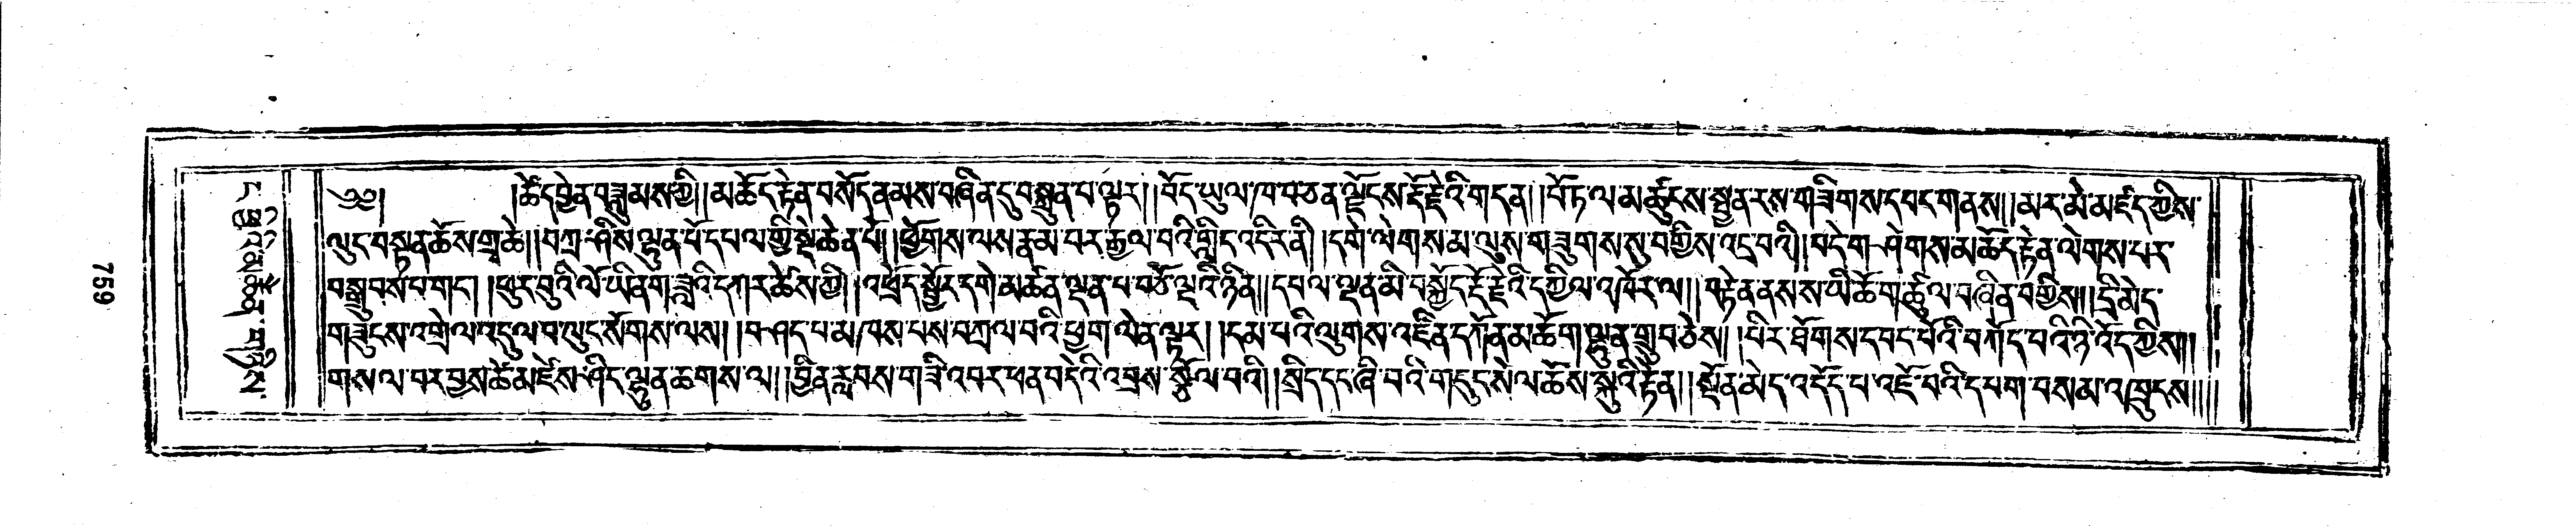༄༅། །ཆེ་དབྱེན་བཟླུམས་ཀྱི། །མཆོད་རྟེན་བསོད་ནམས་བཞིན་དུ་བསྐྲུན་པ་ལྟར། །བོད་ཡུལ་ཁ་བ་ཅན་ལྗོངས་རྡོ་རྗེའི་གདན། །པོ་ཏ་ལ་མཚུངས་སྤྱན་རས་གཟིགས་དབང་གནས། །མར་མེ་མཛད་ཀྱིས་
ལུང་བསྟན་ཆོས་གྲྭ་ཆེ། །བཀྲ་ཤིས་ལྷུན་པོ་དཔལ་གྱི་སྡེ་ཆེན་པོ། །ཕྱོགས་ལས་རྣམ་པར་རྒྱལ་བའི་གླིང་འདིར་ནི། །དགེ་ལེགས་མ་ལུས་གཟུགས་སུ་བགྱིས་འདྲ་བའི། །བདེ་གཤེགས་མཆོད་རྟེན་ལེགས་པར་
བསྒྲུབས་པ་གང་། །ཕུར་བུའི་ལོ་ཡི་ནག་ཟླའི་དཀར་ཚེས་ཀྱི། །འཕྲོད་སྦྱོར་དགེ་མཚན་ལྡན་པ་བཅོ་ལྔའི་ཉིན། །དཔལ་ལྡན་མི་བསྐྱོད་རྡོ་རྗེའི་དཀྱིལ་འཁོར་ལ། །བརྟེན་ནས་ས་ཡི་ཆོ་ག་ཚུལ་བཞིན་བགྱིས། །དྲི་མེད་
གཟུངས་འགྲེལ་འདུལ་བ་ལུང་སོགས་ལས། །བཤད་པ་མཁས་པས་བཀྲལ་བའི་ཕྱག་ལེན་ལྟར། །དམ་པའི་ལུགས་འཛིན་དཀོན་མཆོག་ལྷུན་གྲུབ་ཅེས། །པིར་ཐོགས་དབང་པོའི་བཀོད་པའི་ཉི་འོད་ཀྱིས། །
གསལ་བར་བྱས་ཚེ་མཛེས་ཤིང་ལྷུན་ཆགས་ལ། །བྱིན་རླབས་གཟི་འབར་ཕན་བདེའི་འབྲས་སྩོལ་བའི། །སྲིད་དང་ཞི་བའི་གདུང་སེལ་ཆོས་སྐུའི་རྟེན། །སྔོན་མེད་འདོད་པ་འཇོ་བའི་དཔག་བསམ་འཁྲུངས། །